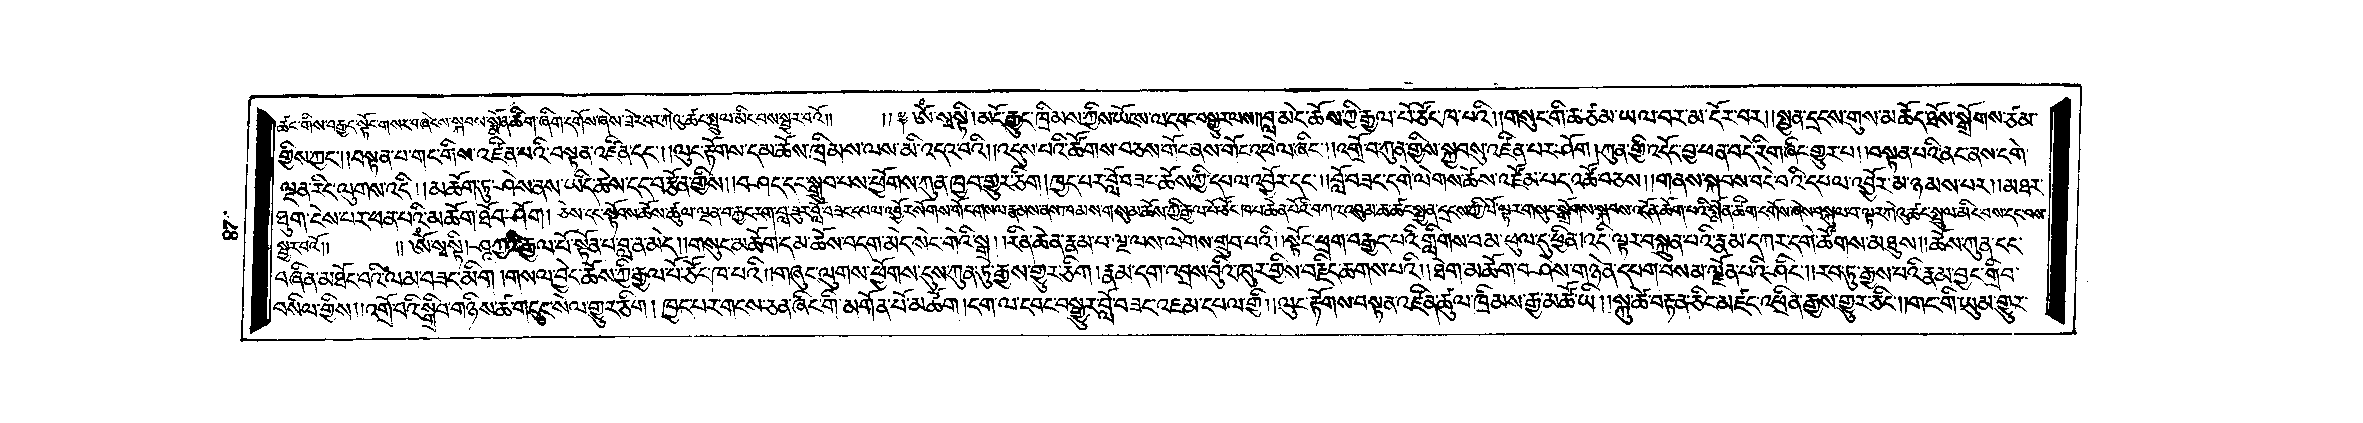ཚང་གིས་བརྒྱད་སྟོང་གསར་བཞེངས་སྐབས་སྨོན་ཚིག་ཞིག་དགོས་ཞེས་ཟེར་བར་ཀེའུ་ཚང་སྤྲུལ་མིང་པས་སྦྱར་བའོ།། །།འ་ཨོཾ་སྭ་སྟི། མདོ་རྒྱུད་ཁྲིམས་ཀྱིས་ཡོངས་ལ་དབང་བསྒྱུར་ལས། །བླ་མེད་ཆོས་ཀྱི་རྒྱལ་པོ་ཙོང་ཁ་པའི། །གསུང་གི་ཆ་ཙམ་ཡལ་བར་མ་དོར་བར། །སྤྱན་དྲངས་གུས་མཆོད་ཐོས་སྒྲོགས་ཙམ་
གྱིས་ཀྱང་། །བསྟན་པ་གང་གིས་འཛིན་པའི་བསྟན་འཛིན་དང་། །ལུང་རྟོགས་དམ་ཆོས་ཁྲིམས་ལས་མི་འདའ་བའི། །འདུས་པའི་ཚོགས་བཅས་གོང་ནས་གོང་འཕེལ་ཞིང་། །འགྲོ་བ་ཀུན་གྱིས་སྐྱབས་སུ་འཛིན་པར་ཤོག །ཀུན་གྱི་འདོད་བྱ་ཕན་བདེ་རིག་ཞིང་གྱུར་པ། །བསྟན་པའི་ནང་ནས་དགེ་
ལྡན་རིང་ལུགས་འདི། །མཆོག་ཏུ་ཤེས་ནས་ཡིད་ཆེས་དང་བརྩོན་གྱིས། །བཤད་དང་སྒྲུབ་པས་ཕྱོགས་ཀུན་ཁྱབ་གྱུར་ཅིག །ཁྱད་པར་བློ་བཟང་ཆོས་ཀྱི་དཔལ་འབྱོར་དང་། །བློ་བཟང་དགེ་ལེགས་ཆོས་འཛོམ་པད་འཚོ་བཅས། །གནས་སྐབས་བདེ་བའི་དཔལ་འབྱོར་མ་ཉམས་པར། །མཐར་
ཐུག་ངེས་པར་ཕན་པའི་མཆོག་ཐོབ་ཤོག །ཅེས་དང་སྟོབས་ཆོས་ཚུལ་ལྡན་བ་རྐྱང་རག་བླ་ཟུར་བློ་བཟང་དཔལ་འབྱོར་སོགས་གོང་གསལ་རྣམས་ནས་ཁམས་གསུམ་ཆོས་ཀྱི་རྒྱལ་པོ་ཙོང་ཁ་པ་ཆེན་པོའི་བཀའ་འབུམ་ཆ་ཚང་སྤྱན་དྲངས་ཀྱི་ལོ་ལྟར་གསུང་སྒྲོགས་སྐབས་འདོན་ཆོག་པའི་སྨོན་ཚིག་དགོས་ཞེས་བསྐུལ་བ་ལྟར་ཀེའུ་ཚང་སྤྲུལ་མིང་པས་དང་བས་
སྦྱར་བའོ།། །།ཨོཾ་སྭ་སྟི། ཤཱཀྱའི་རྒྱལ་པོ་སྟོན་པ་བླ་ན་མེད། །གསུང་མཆོག་དམ་ཆོས་བདག་མེད་སེང་གེའི་སྒྲ། །རིན་ཆེན་རྣམ་པ་ལྔ་ལས་ལེགས་གྲུབ་པའི། །སྟོང་ཕྲག་བརྒྱད་པའི་གླིགས་བམ་ཕུལ་དུ་ཕྱིན། །འདི་ལྟར་བསྐྲུན་པའི་རྣམ་དཀར་དགེ་ཚོགས་མཐུས། །ཆོས་ཀུན་དང་
བཞིན་མཐོང་བའི་ལམ་བཟང་མིག །གསལ་བྱེད་ཆོས་ཀྱི་རྒྱལ་པོ་ཙོང་ཁ་པའི། །གཞུང་ལུགས་ཕྱོགས་དུས་ཀུན་ཏུ་རྒྱས་གྱུར་ཅིག །རྣམ་དག་འབྲས་བུའི་ཁུར་གྱིས་བརྗིད་ཆགས་པའི། །ཐེག་མཆོག་བཤེས་གཉེན་དཔག་བསམ་ལྗོན་པའི་ཤིང་། །རབ་ཏུ་རྒྱས་པའི་རྣམ་བྱང་གྲིབ་
བསིལ་གྱིས། །འགྲོ་བའི་སྒྲིབ་གཉིས་ཚ་གདུང་སེལ་གྱུར་ཅིག །ཁྱད་པར་གངས་ཅན་ཞིང་གི་མགོན་པོ་མཆོག །ངག་ལ་དབང་བསྒྱུར་བློ་བཟང་འཇམ་དཔལ་གྱི། །ལུང་རྟོགས་བསྟན་འཛིན་ཚུལ་ཁྲིམས་རྒྱ་མཚོ་ཡི། །སྐུ་ཚེ་བརྟན་ཅིང་མཛད་འཕྲིན་རྒྱས་གྱུར་ཅིང་། །གང་གི་ཡུམ་གྱུར་